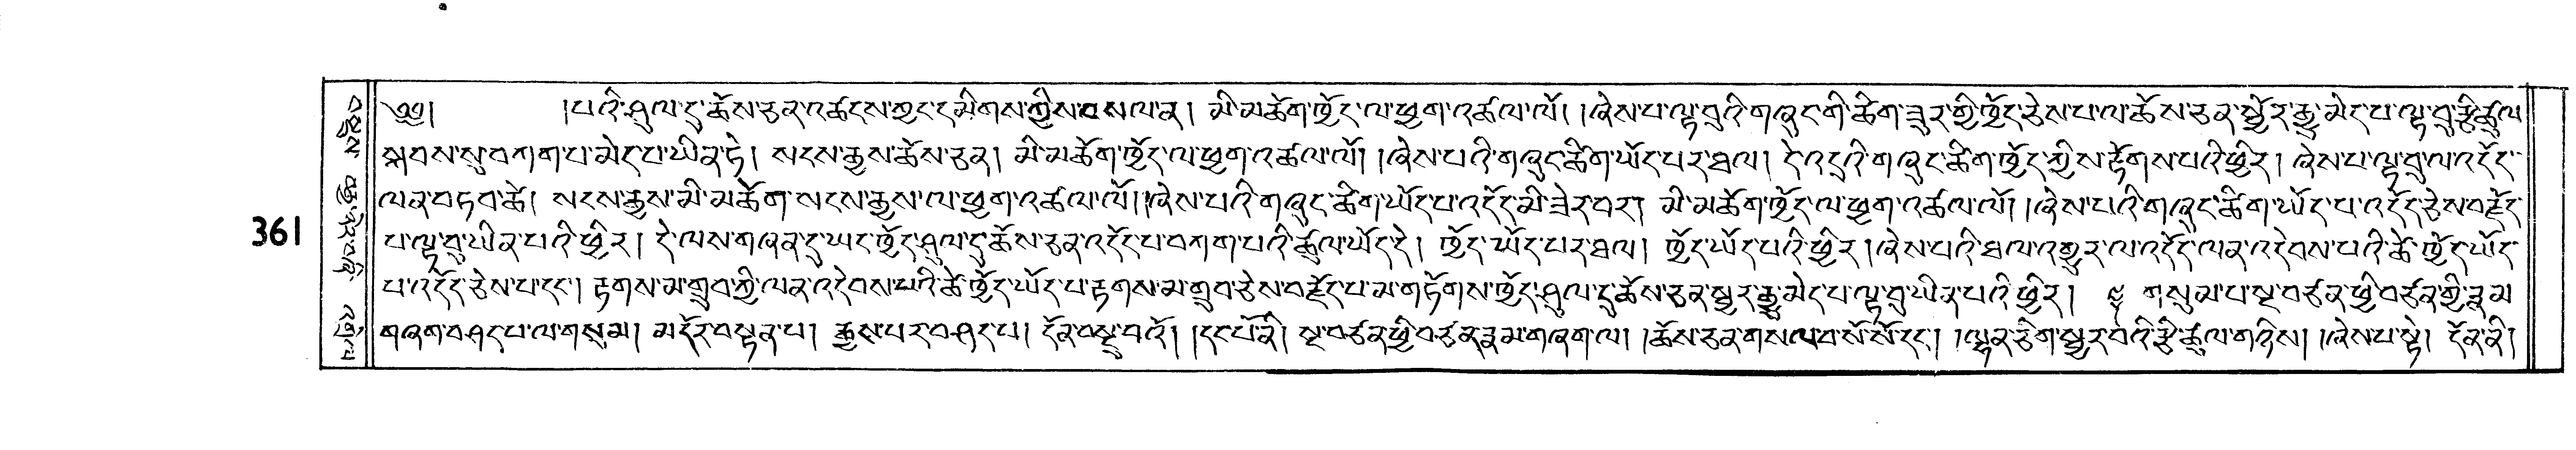༄༅། །པའི་ཤུལ་དུ་ཆོས་ཅན་འཚངས་ཀྱང་དམིགས་ཀྱིས་བསལ་ན། མི་མཆོག་ཁྱོད་ལ་ཕྱག་འཚལ་ལོ། །ཞེས་པ་ལྟ་བུའི་གཞུང་གི་ཚིག་ཟུར་གྱི་ཁྱོད་ཅེས་པ་ལ་ཆོས་ཅན་སྦྱོར་རྒྱུ་མེད་པ་ལྟ་བུ་རྩི་ཚུལ་
སྐབས་སུ་བཀག་པ་མེད་པ་ཡིན་ཏེ། སངས་རྒྱས་ཆོས་ཅན། མི་མཆོག་ཁྱོད་ལ་ཕྱག་འཚལ་ལོ། །ཞེས་པའི་གཞུང་ཚིག་ཡོད་པར་ཐལ། དེ་འདྲའི་གཞུང་ཚིག་ཁྱོད་ཀྱིས་རྟོགས་པའི་ཕྱིར། ཞེས་པ་ལྟ་ལྟ་བུ་ལ་འདོད་
ལན་བཏབ་ཚེ། སངས་རྒྱས་མི་མཆོག་སངས་རྒྱས་ལ་ཕྱག་འཚལ་ལོ། །ཞེས་པའི་གཞུང་ཚིག་ཡོད་པ་འདོད་མི་ཟེར་བར། མི་མཆོག་ཁྱོད་ལ་ཕྱག་འཚལ་ལོ། །ཞེས་པའི་གཞུང་ཚིག་ཡོད་པ་འདོད་ཅེས་བརྗོད་
པ་ལྟ་བུ་ཡིན་པའི་ཕྱིར། དེ་ལས་གཞན་དུ་ཡང་ཁྱོད་ཤུལ་དུ་ཆོས་ཅན་འདོད་པ་བཀག་པའི་ཚུལ་ཡོད་དེ། ཁྱོད་ཡོད་པར་ཐལ། ཁྱོད་ཡོད་པའི་ཕྱིར། །ཞེས་པའི་ཐལ་འགྱུར་ལ་འདོད་ལན་འདེབས་པའི་ཚེ་ཁྱོད་ཡོད་
པ་འདོད་ཅེས་པ་དང་། རྟགས་མ་གྲུབ་ཀྱི་ལན་འདེབས་པའི་ཚེ་ཁྱོད་ཡོད་པ་རྟགས་མ་གྲུབ་ཅེས་བརྗོད་པ་མ་གཏོགས་ཁྱོད་ཤུལ་དུ་ཆོས་ཅན་སྦྱར་རྒྱུ་མེད་པ་ལྟ་བུ་ཡིན་པའི་ཕྱིར། ༈ གསུམ་པ་སྔ་བཙན་ཕྱི་བཙན་གྱི་རྣམ་
གཞག་བཤད་པ་ལ་གསུམ། མདོར་བསྟན་པ། རྒྱས་པར་བཤད་པ། དོན་བསྡུ་བའོ། །དང་པོ་ནི། སྔ་བཙན་ཕྱི་བཙན་རྣམ་གཞག་ལ། །ཆོས་ཅན་གསལ་བ་སོ་སོ་དང་། །ལྷན་ཅིག་སྦྱར་བའི་རྩི་ཚུལ་གཉིས། །ཞེས་པ་སྟེ། དོན་ནི།